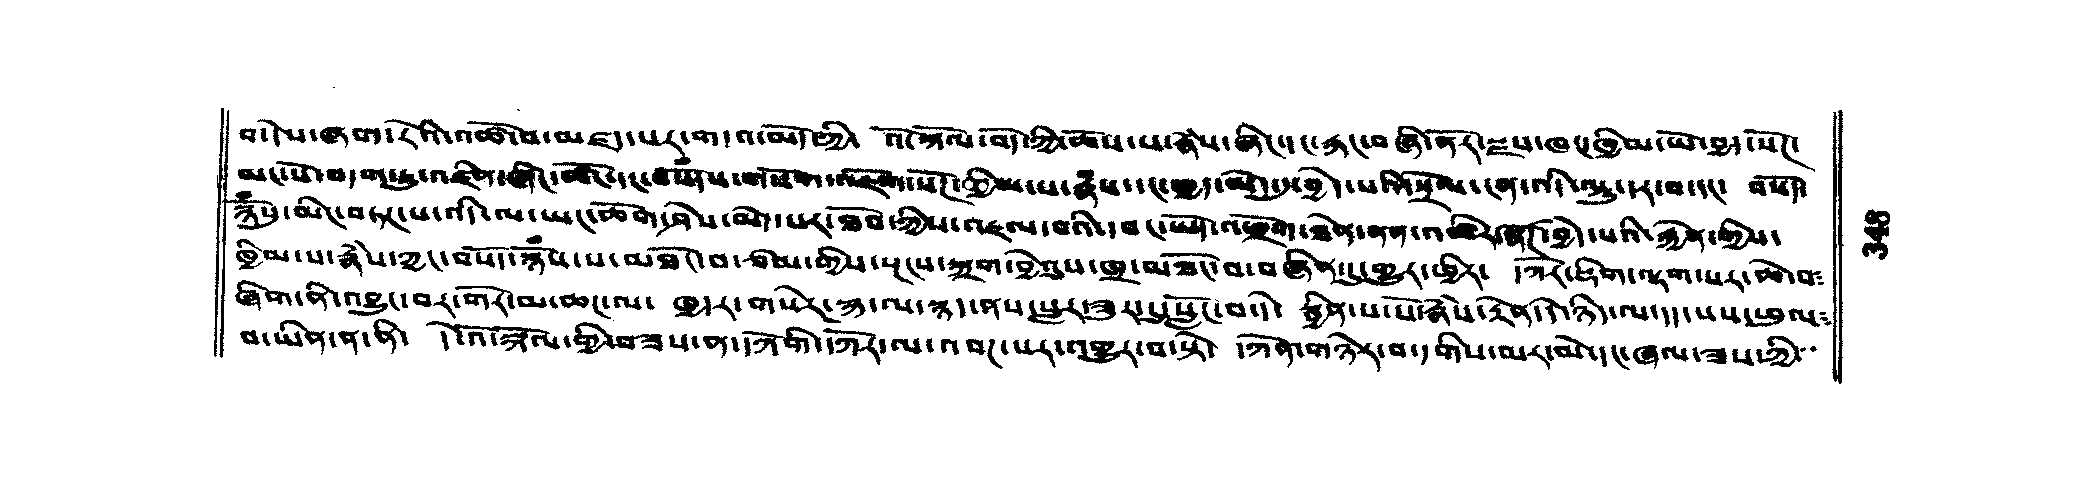བཔདེསཔཞགཔརེའིཔའཚོཔབཔམཛདཔ་རཔགདའཔམོདཔཀྱི། འོཔསྐོལཔབོདཔཀྱིཔཆོསཔ་པརྣམསཔཞིངཔདངཔརྐངཔབཞིཔནོརཔརྫསཔཁངཔཁྱིམཔཡོཔབྱདཔསོགསཔ
མངཔ་ོཔབདགཔཏཔའཛིནཔཞིངཔཚོངཔདངཔབསོདཔནམསཔགསོགཔའཇོགཔསོགསཔཁྱིམཔ་པརྣམསཔདངཔཁྱདཔམེདཔདུཔབྱེདཔ་འིཔསྲོལཔངནཔའདིཔལྟཔབུཔདརཔབཔདངཔ། བསོད
པསྙོམསཔསུཔམིངཔབཏགསཔ་པའདིཔལཔཡངཔཆོགཔཤེསཔམེདཔ་རཔཐོབཔཀྱིཔའཇལཔབའིཔདབངཔཡོདཔའཕྲོགཔཐེནཔནནཔབཙིརཔསྣཔཚོགསཔབྱེདཔ་འིཔརྐྱེནཔགྱིསཔ
ཁྱིམཔ་པརྣམསཔཀྱངཔབསོདཔསྙོམསཔ་པམཐོངཔབཔཙམཔགྱིསཔསྔངསཔསྐྲགཔབྱེའུསཔཁྲཔམཐོངཔབཔབཞིནཔདུཔགྱུརཔཕྱིར། དཀོརཔསྡིགཔལྷགཔ་རཔཆེཔབཔ
ཞིགཔནིཔའབྱུངཔབརཔགོརཔམཔཆགསཔལ། ཁྱདཔ་རཔགསེརཔསྐུཔལཔསྙདཔནསཔསླརཔཟུརཔདུཔསློངཔབཔདེཔསྦྱིནཔ་པ་ོཔརྣམསཔརྟེནཔདེཔཉིདཔལཔདདཔ་སཔཕུལ
པབཔཡིནཔནཔནི།དེཔའོཔསྐོལཔགྱིཔབཟསཔནཔདཀོནཔམཆོགཔགིཔདཀོརཔལཔའབགསཔ་རཔའགྱུརཔབཔསྟེ། དཀོརཔགཉེརཔབཔདགཔགིསཔམརཔམེཔདངཔཞལཔཟསཔཀྱིཔ